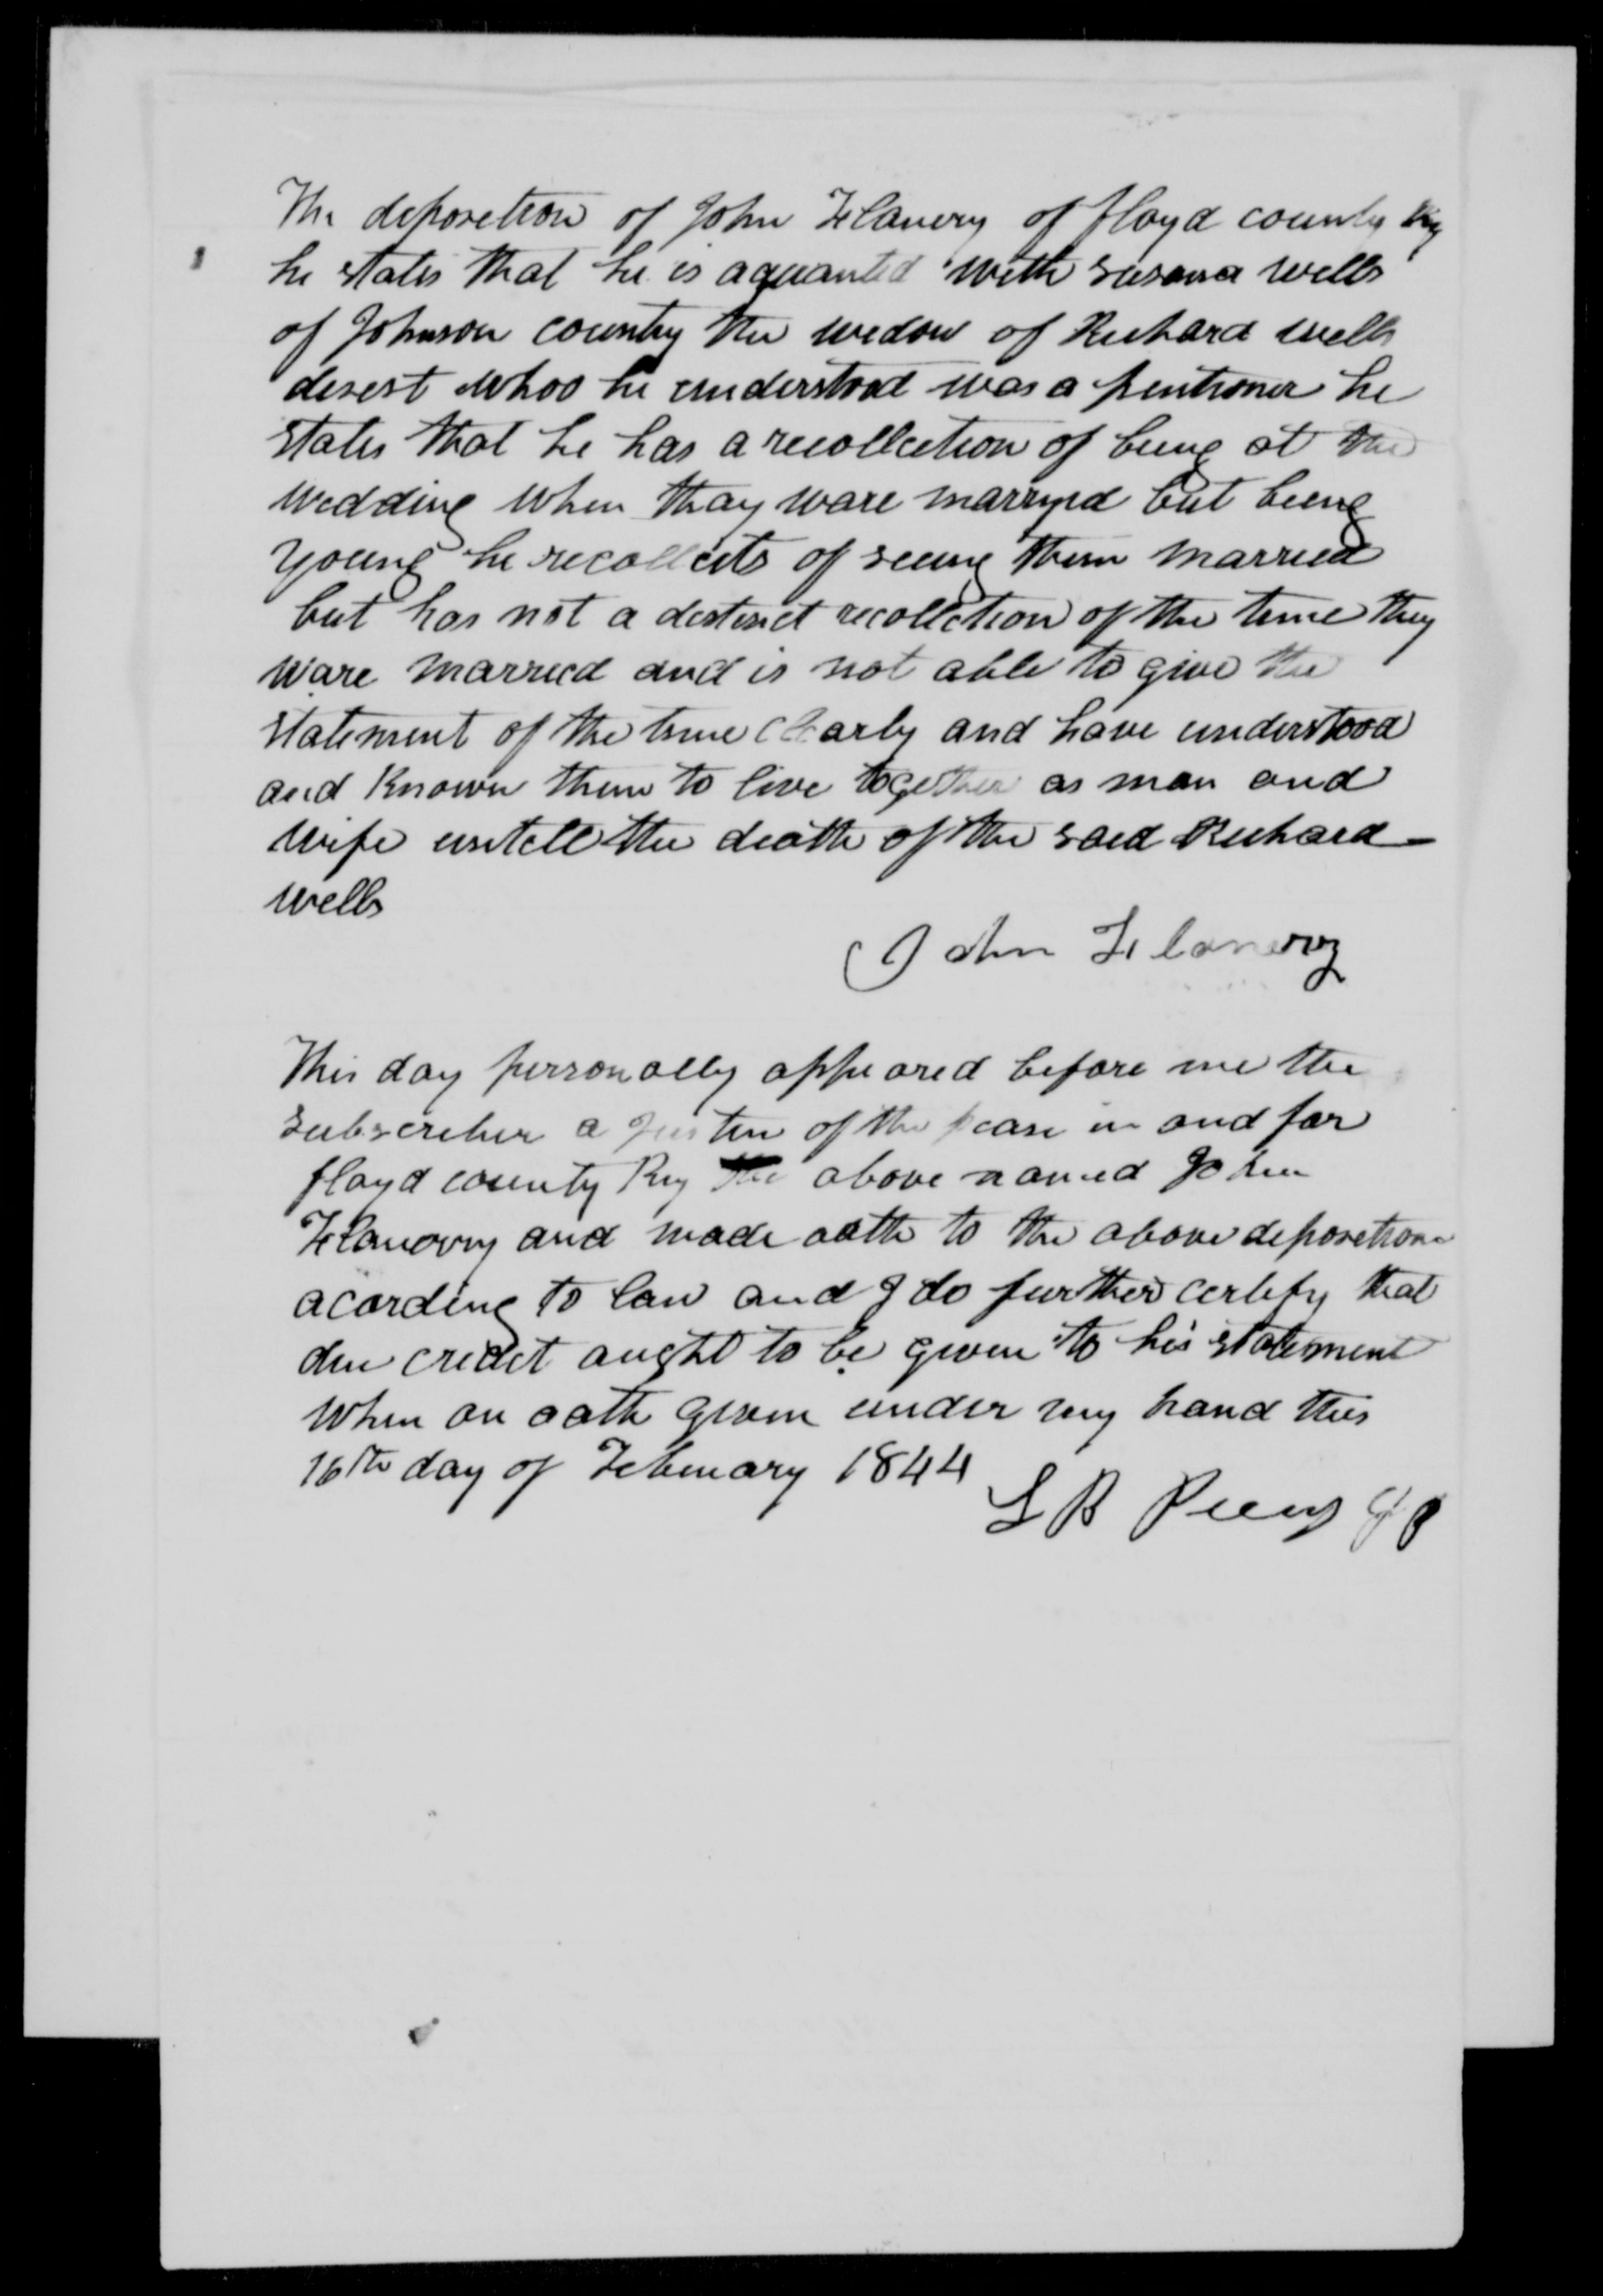The deposition of John Flanery of Floyd County by
he states that he is aquanted with Susana Wells
of Johnson County the widow of Richard Wells
direct who he understood was a pentioner he
States that he has a recollection of being at the
wedding when they were marryed but being
Young he recollects of secure them married
but has not a distinct recollection of the time they
ware married and is not able to give the
statement of the time early and have understood
and known them to live together as man and
wife untill the death of the said Richard
Wells
John Flanery
This day personally appeared before me the
Subscriber a Justice of the peace in and for
Floyd County by the above named John
Flanery and made oath to the above deposition
according to law and I do further certify that
due credit ought to be given to his statement
when on oath Given under my hand this
16th day of February 1844
L B Perry JP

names: Richard Wells, L B Piery, Susana Wells, John Flanery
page: 61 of 100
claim: widow's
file: W. 6437, Richard Wells, Ga Va.